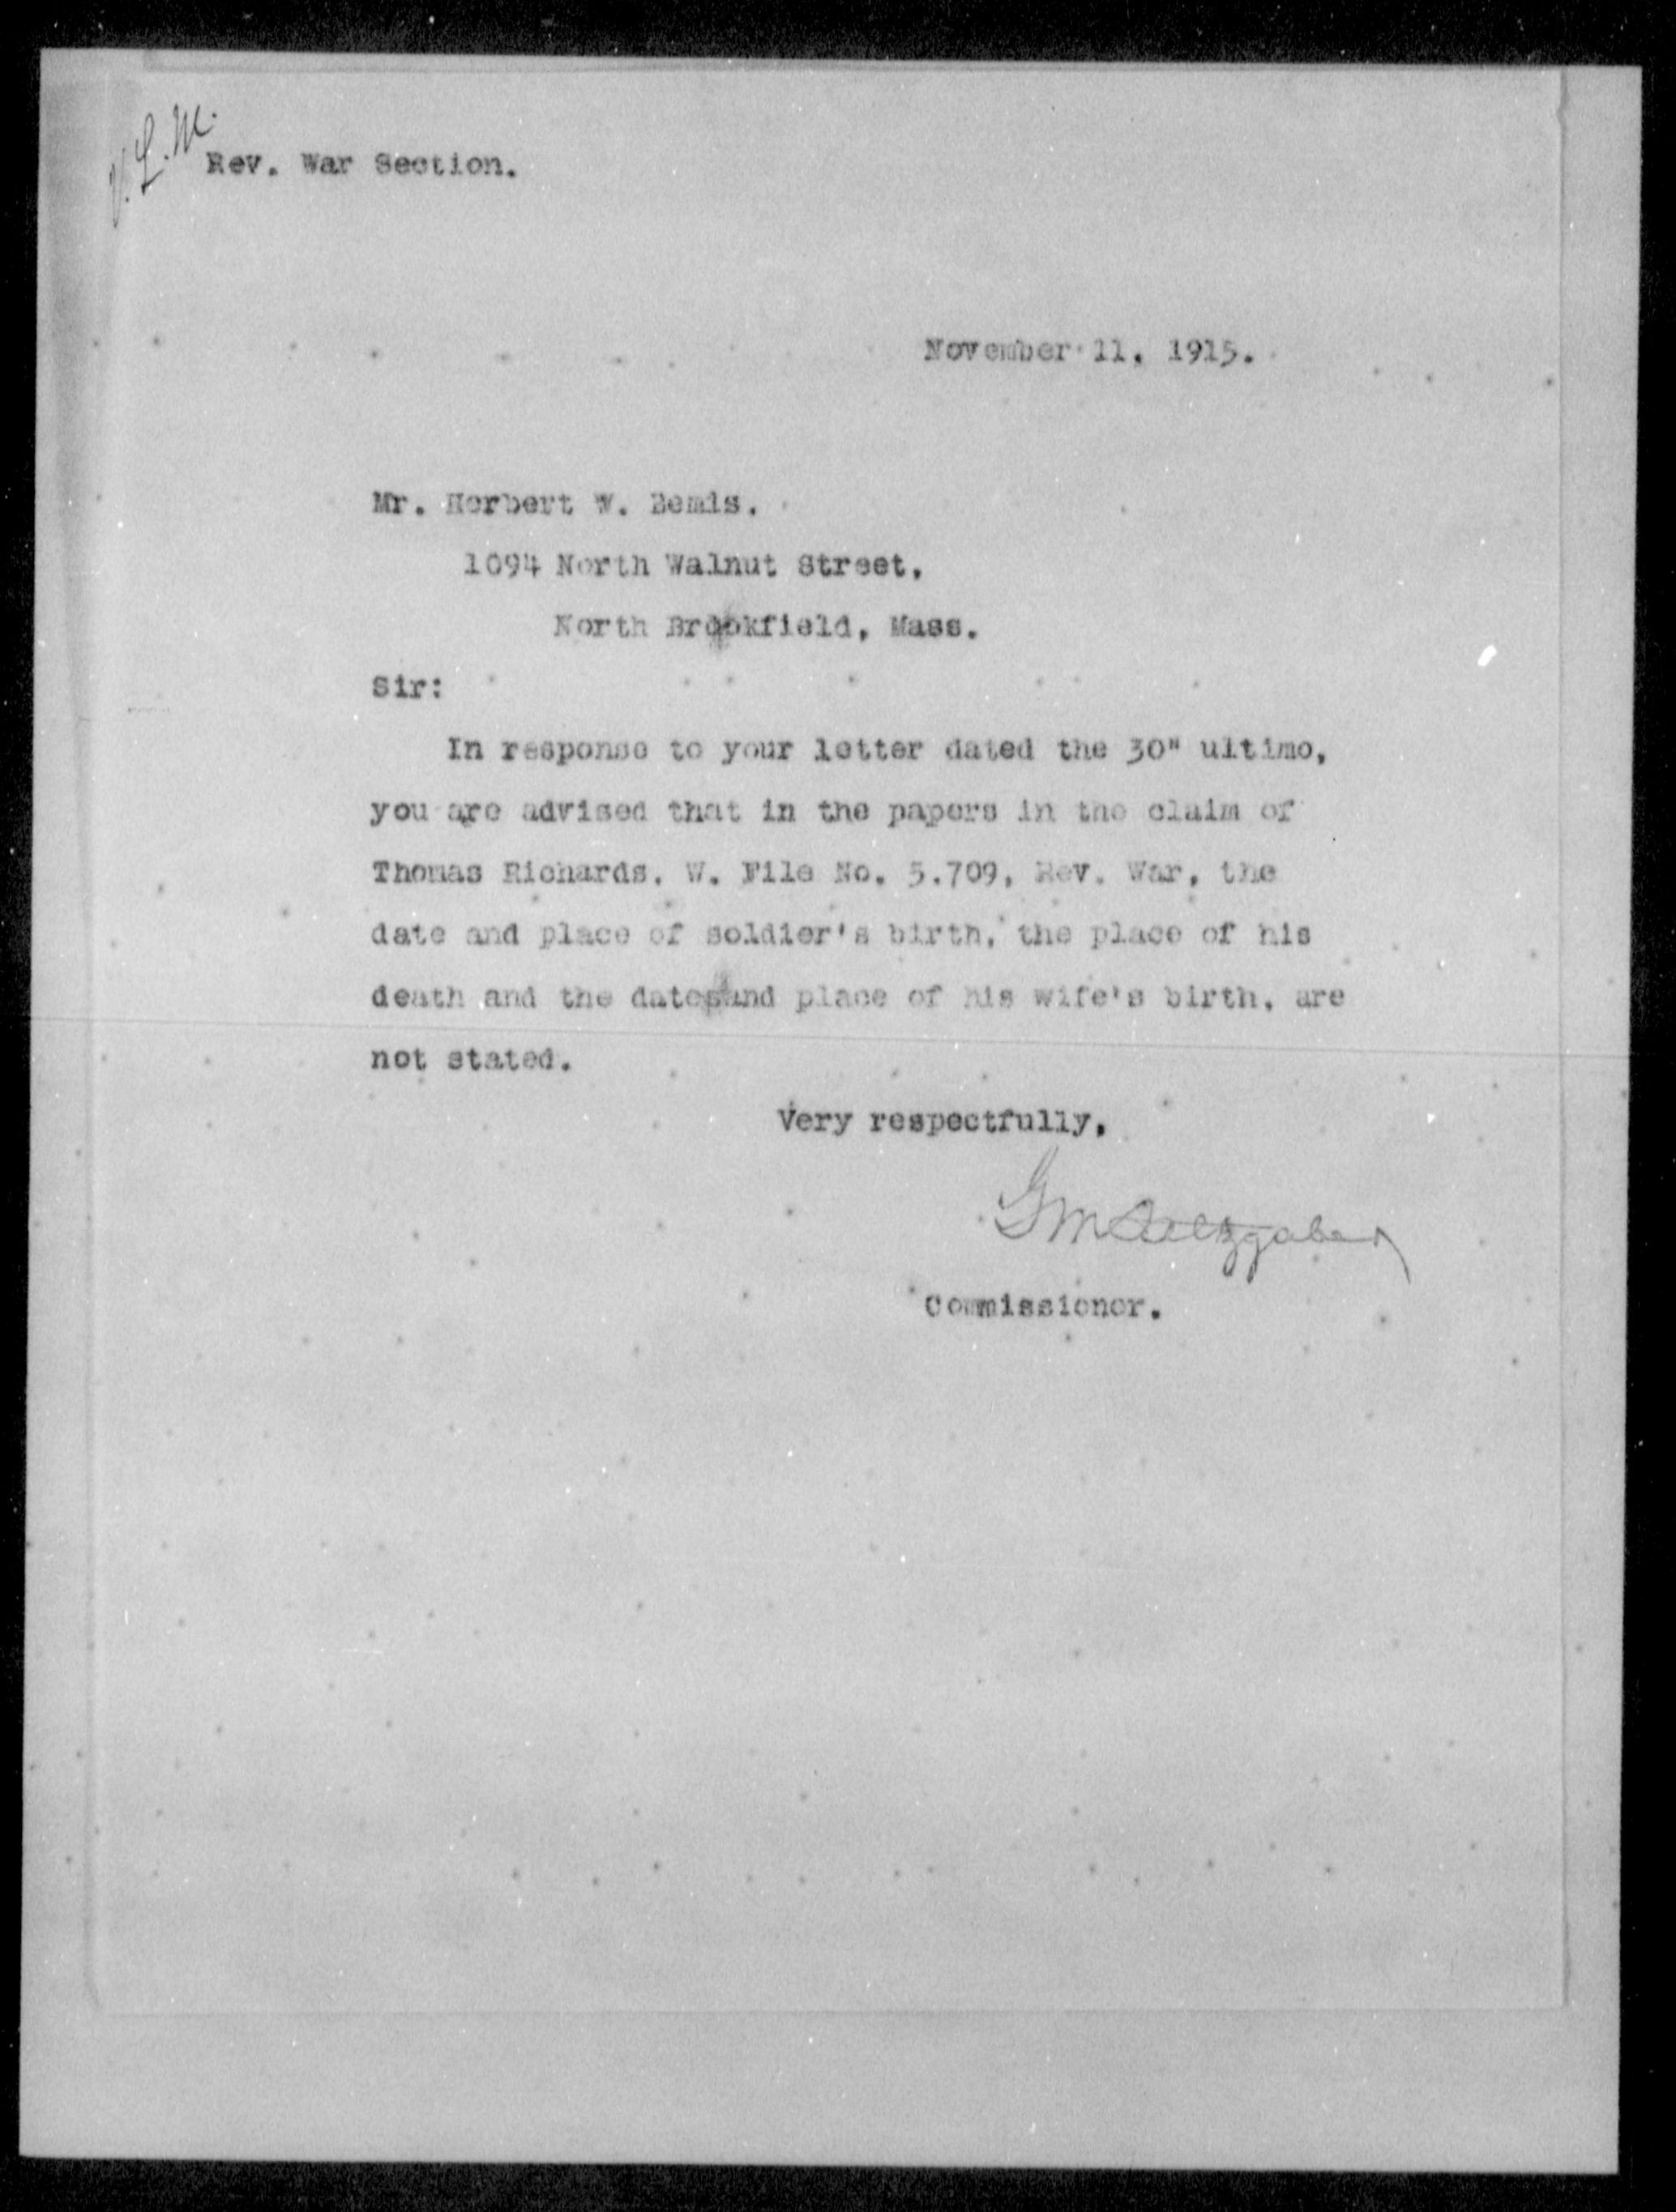V.L.M. Rev. [REVOLUTIONARY] War Section.
November 11, 1915.
Mr. Herbert W. Bemis.
1094 North Walnut Street,
North Brookfield, Mass.
Sir:
In response to your letter dated the 30th ultimo, [last month] you are advised that in the papers in the claim of Thomas Richards, W. File No. 5.709, Rev. War, the date and place of soldier's birth, the place of his death and the date and place of his wife's birth, are not stated.
Very respectfully,
G M Saltzgaber
Commissioner.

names: Thomas Richards; Herbert W Bemis; G M Saltzgaber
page: 94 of 109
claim: widow's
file: W. 5709, for Thomas Richards, New Hampshire